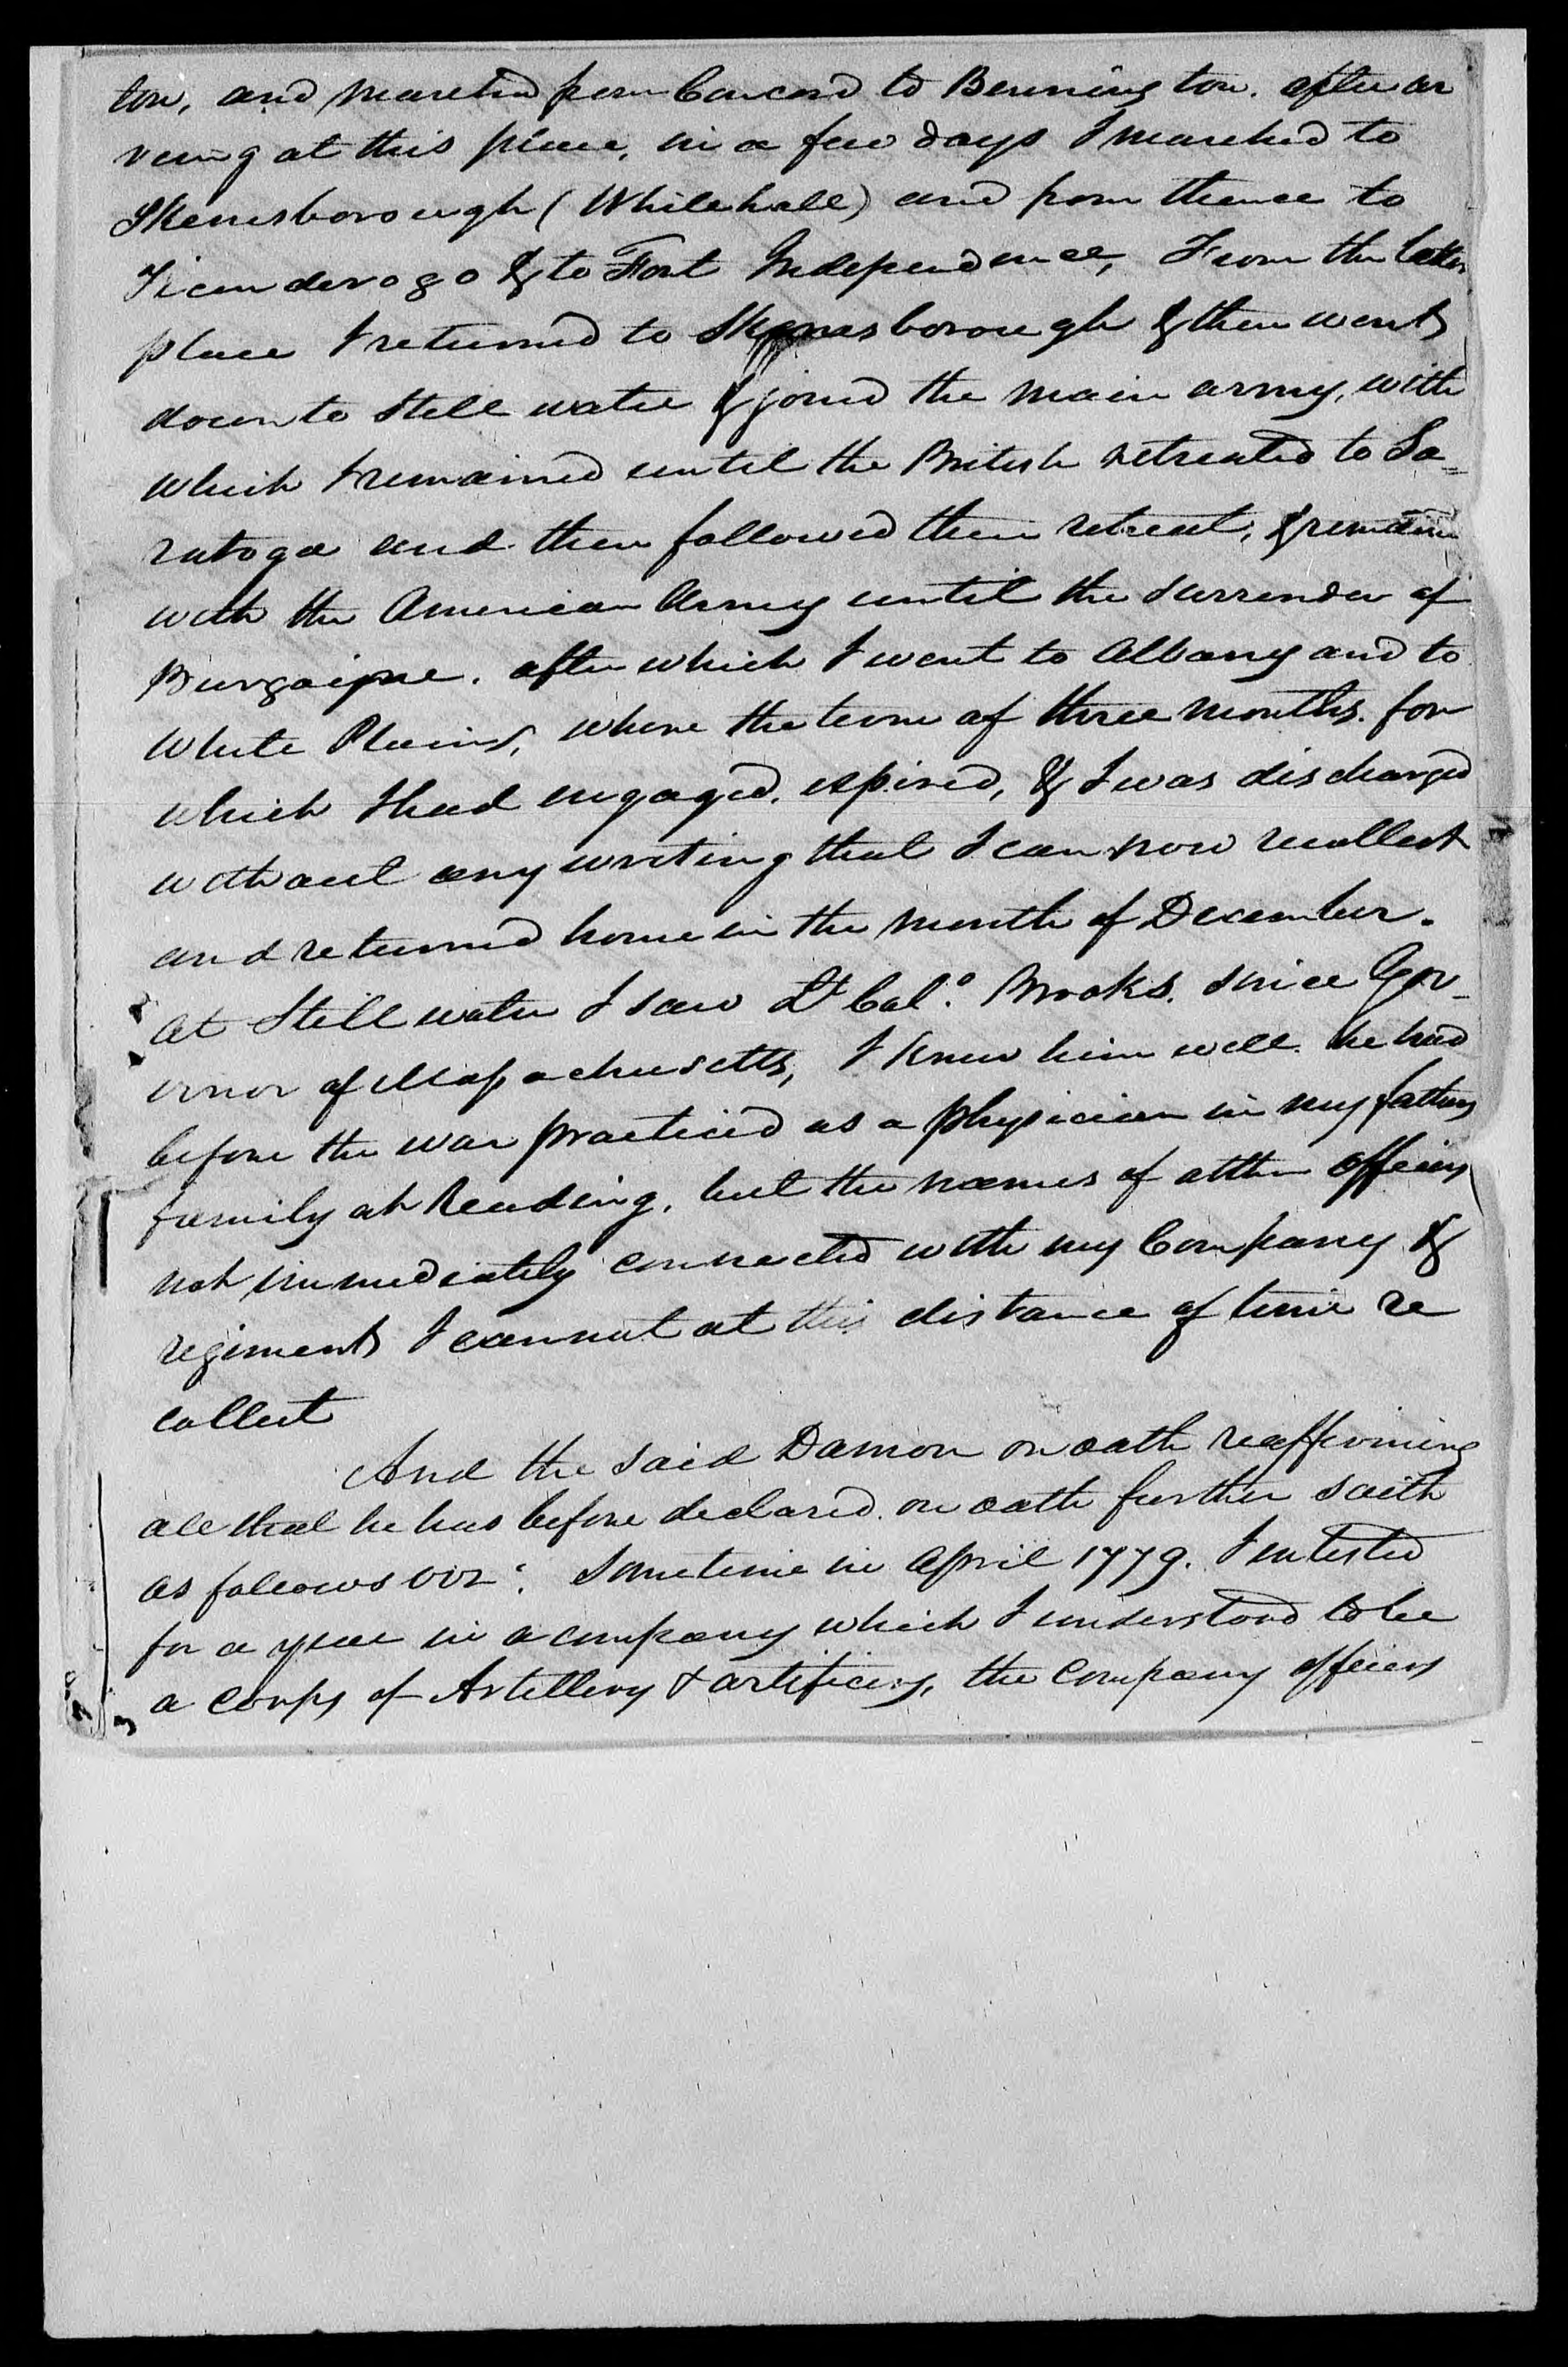-ton, and marched from Concord to Bennington, after a resting at this place, in a few days I marched to Shrewsborough (Whitehall) and from thence to Ticonderoga & to Fort Independence. From the latter place I returned to Shrewsborough & then went down to Stillwater & joined the Main Army with which I remained until the British retreated to Saratoga and then followed their retreat & remained with the American Army until the surrender of Burgoyne, after which I went to Albany and to White Plains where the term of three months for which I had engaged expired & I was discharged without any writing that I can now recollect and returned home in the month of December. At Stillwater I saw Lt Col Brooks since Governor of Massachusetts, I know him well, he had before the war practiced as a physician in my father's family at Reading, but the names of others not immediately connected with my Company & Regiment I cannot at this distance of time recollect.

And the said Damon on oath reaffirming all that he has before declared on oath further saith as follows, viz: Sometime in April 1779 I entered for a year in a company which I understood to be a Corps of Artillery & Artificery, the Company officers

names: Damon, Brooks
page: 5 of 28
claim: survivor's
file: S. 17376, Joseph Damon, Continental Mass.